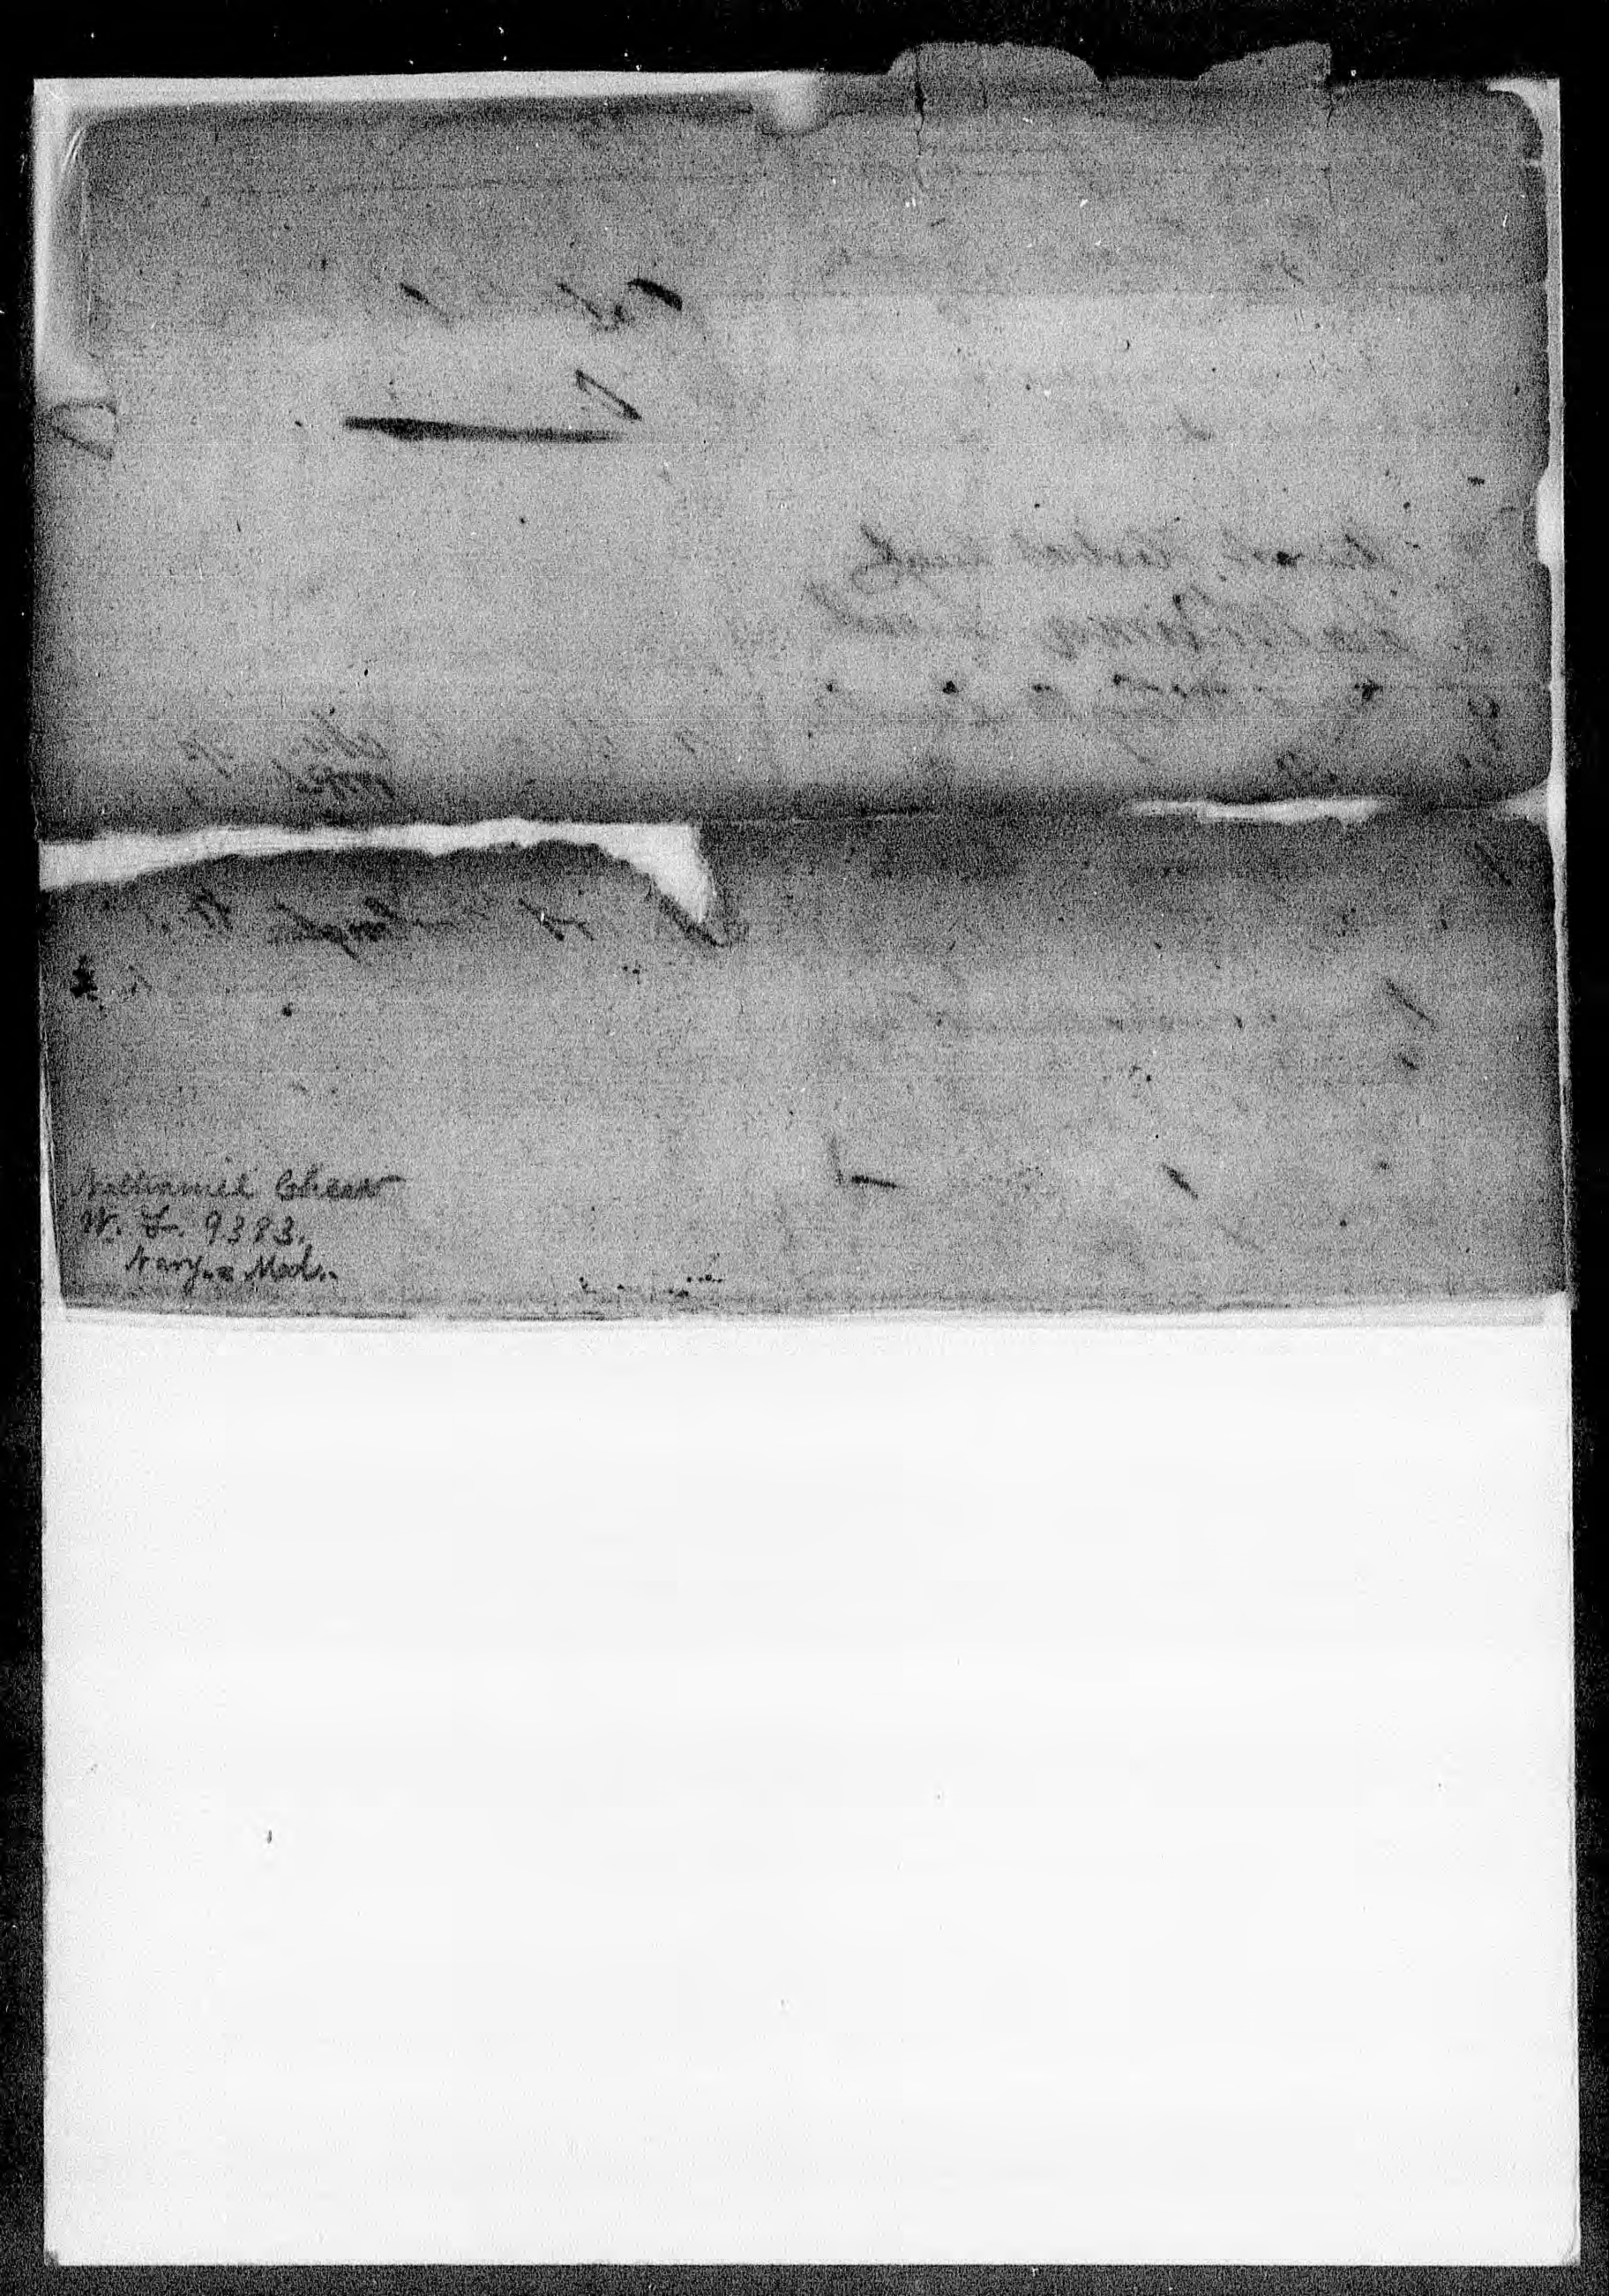Nathaniel Chew
W. F. 9383
Navy - Md.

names: Nathaniel Chew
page: 34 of 59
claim: widow's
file: W. 9383, Nathaniel Chew, Navy (Md.)